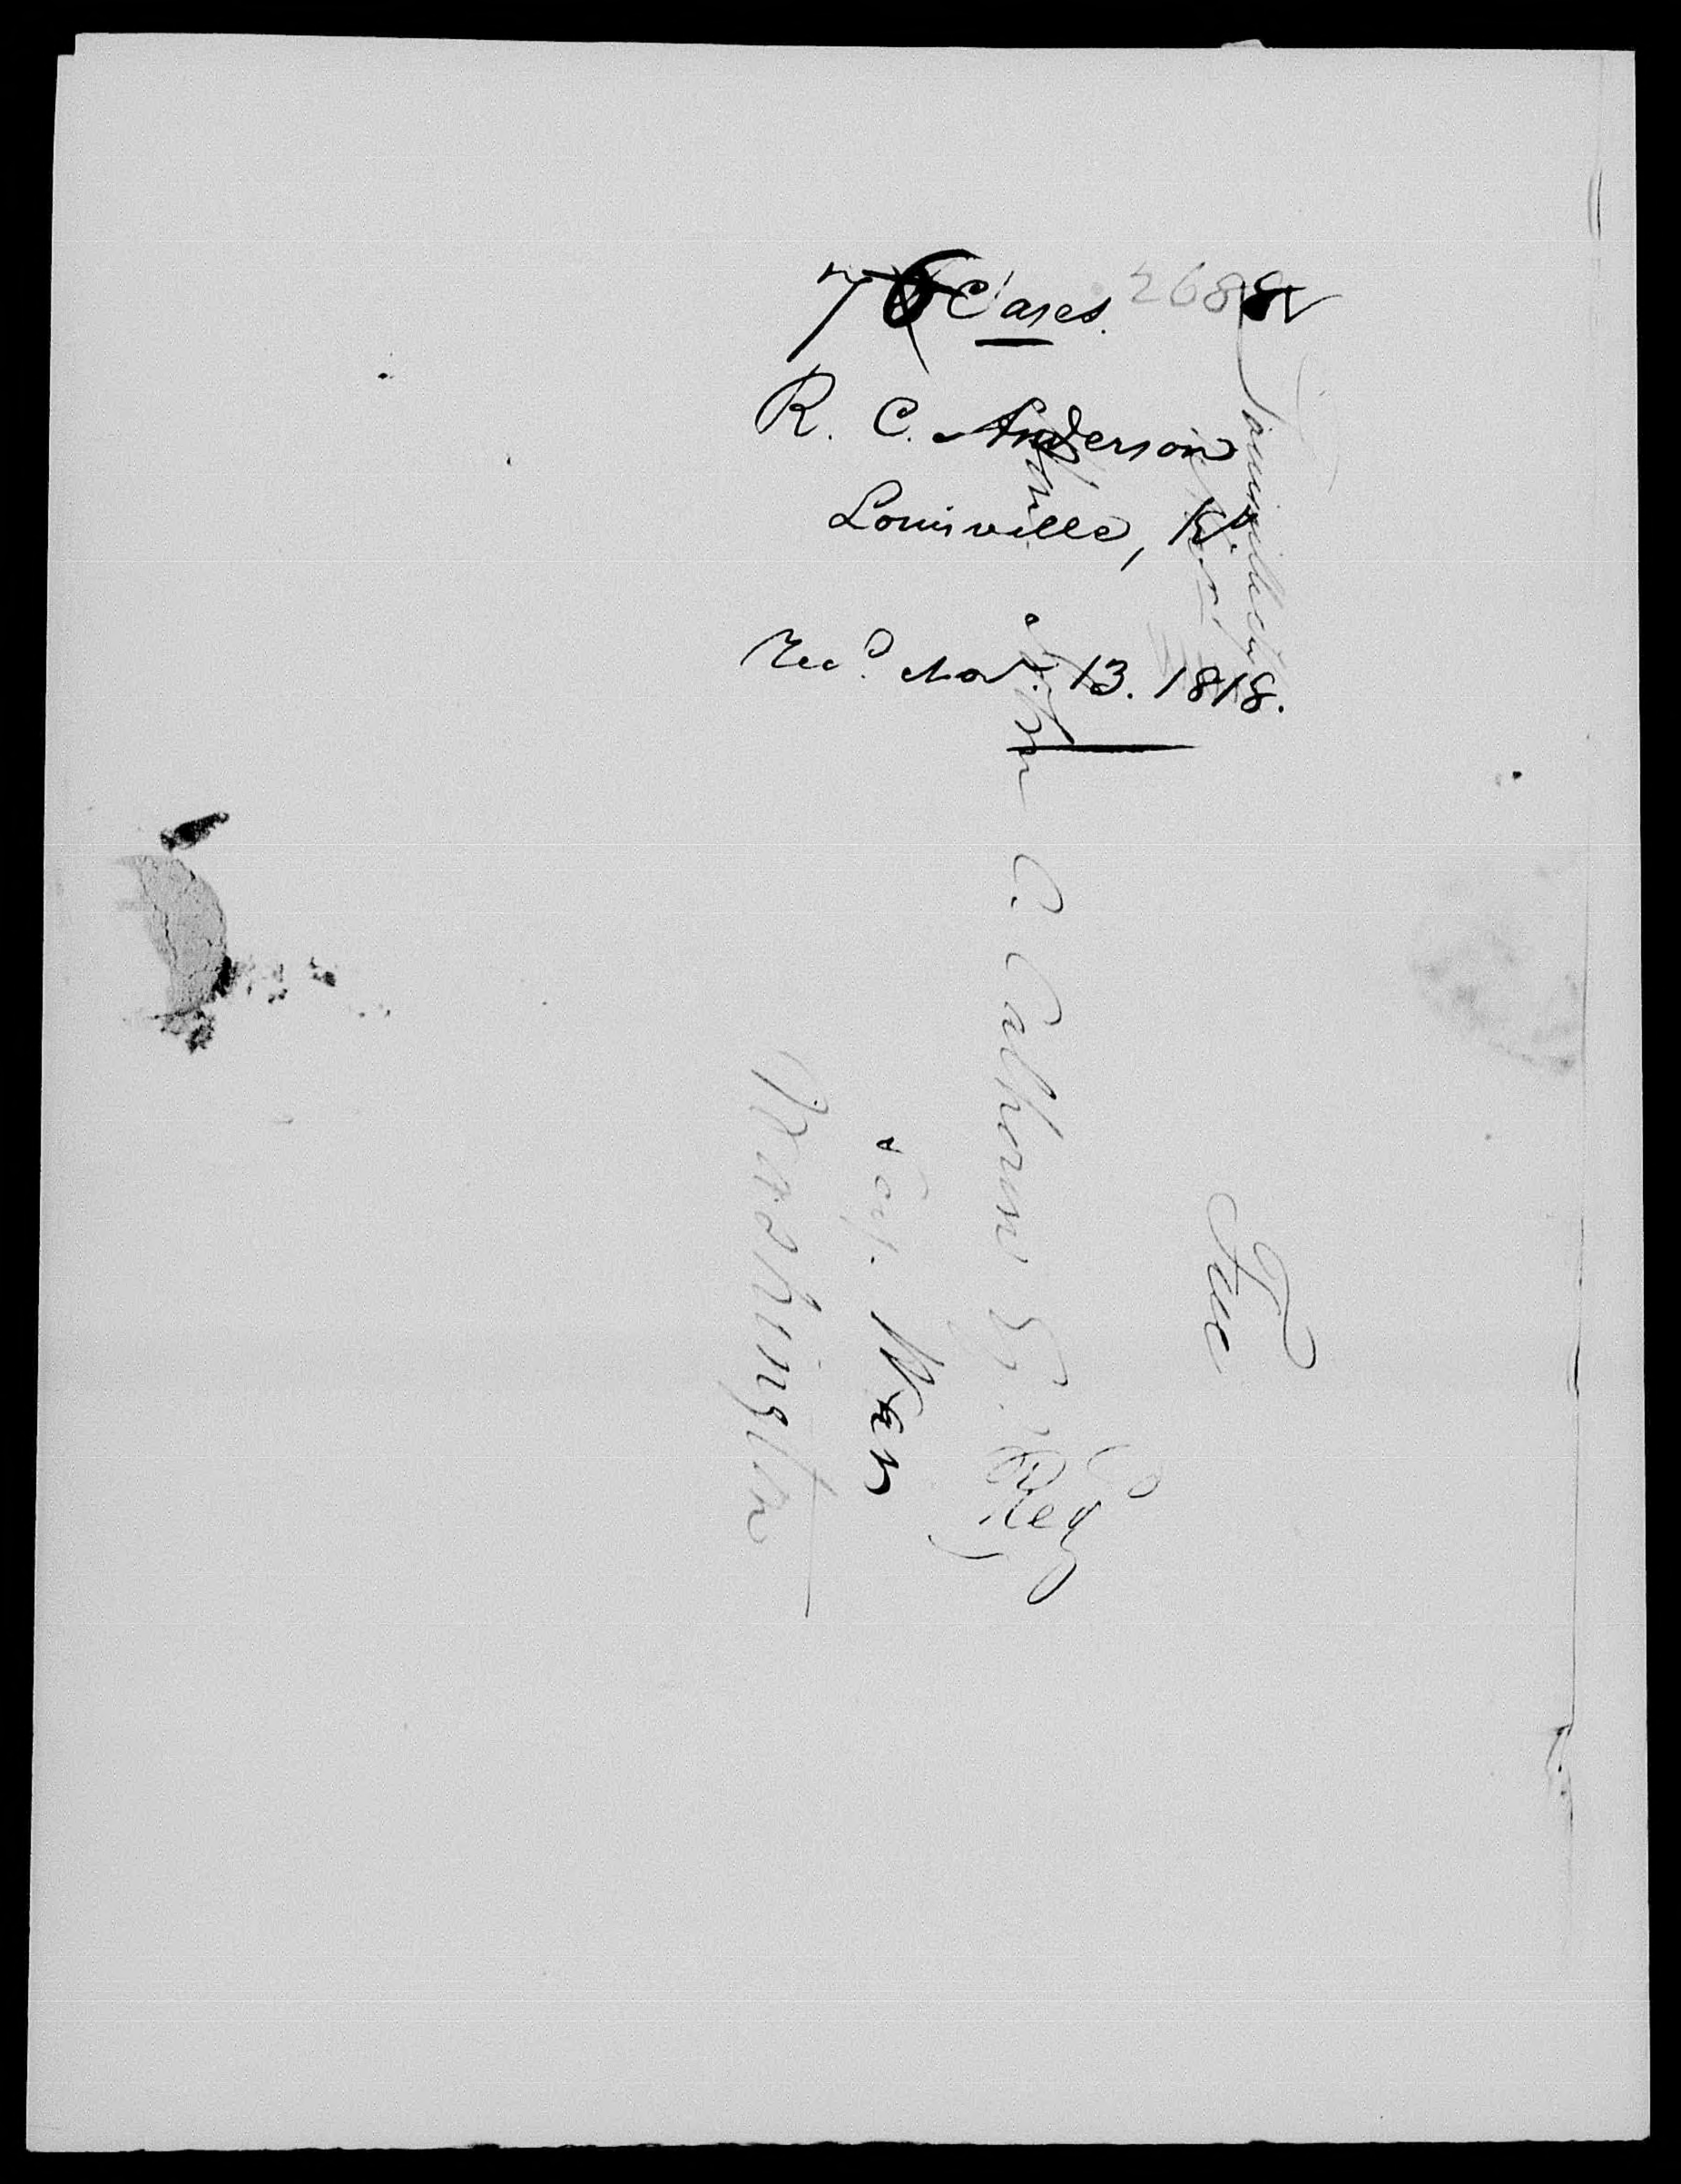[envelope]
7 cases
R.C. Anderson
Louisville Ky
rec'd Nov 13, 1818

[sideways]
Free
Hon John C Calhoun
Secy of War
Washington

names: R C Anderson, John C Calhoun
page: 11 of 14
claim: survivor's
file: S 35911, John Edens, S.C.